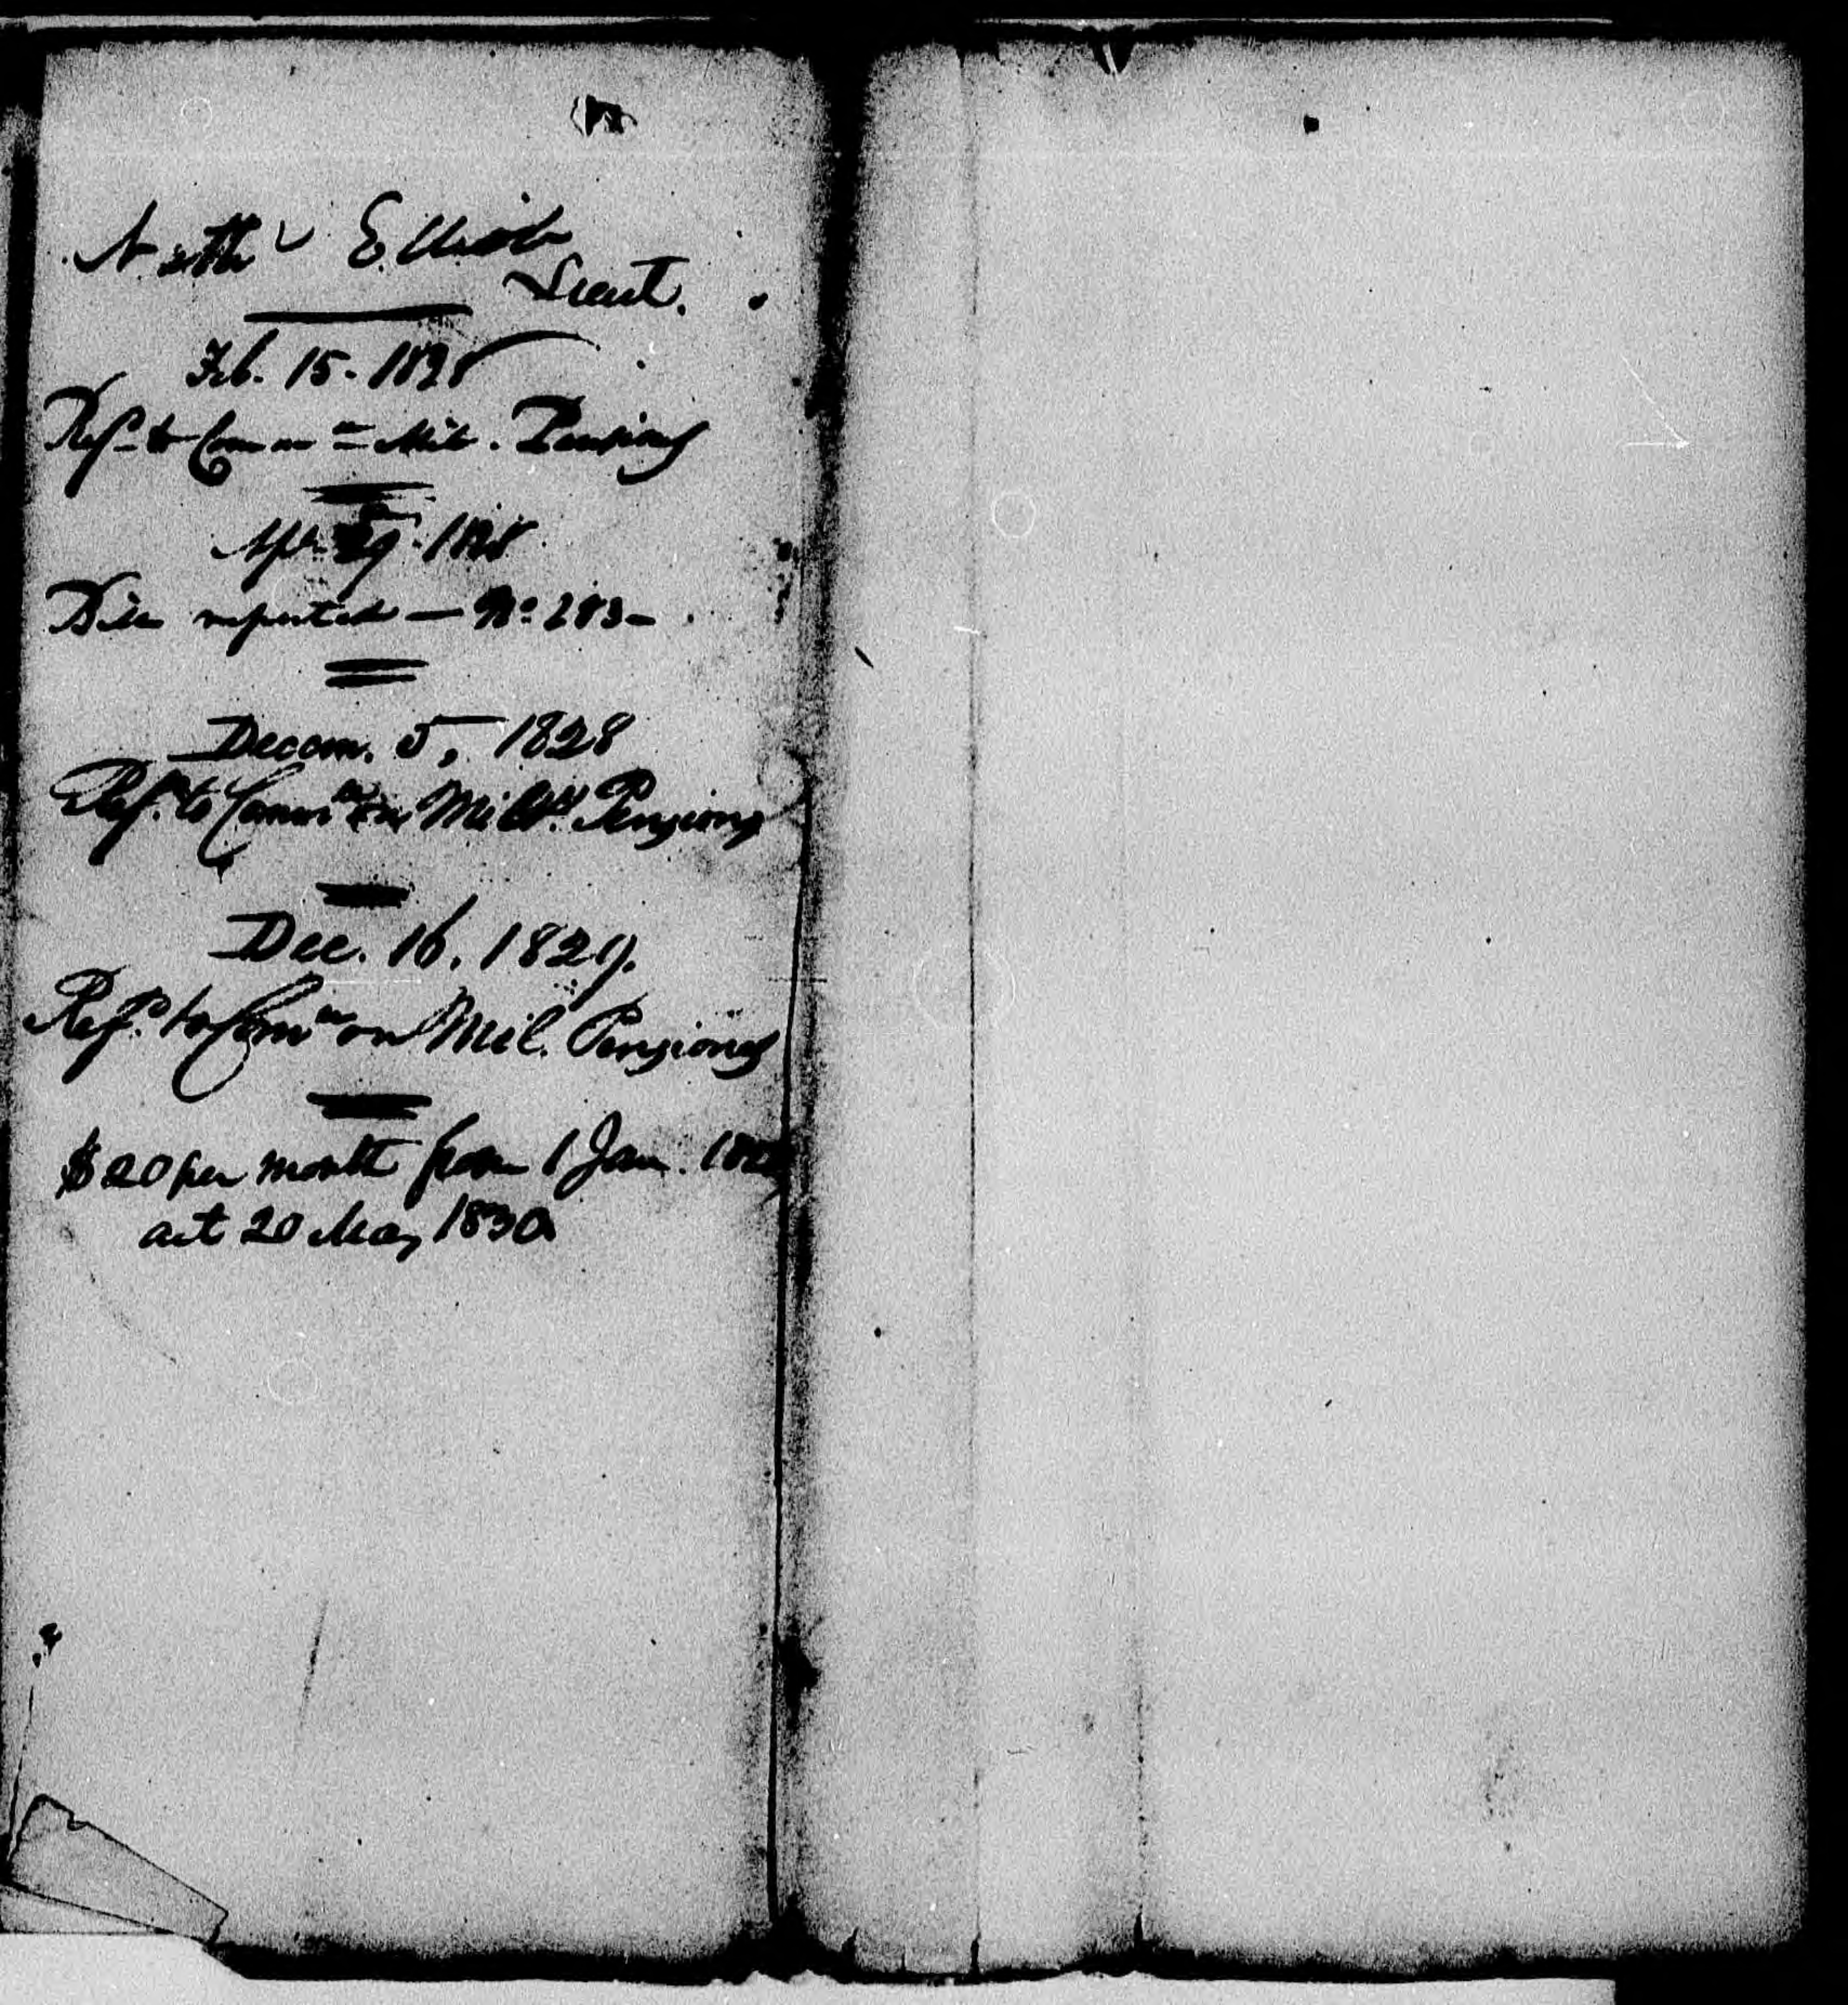Nathl Elliot Lieut. Feb 15 1828 Ref. to Comme - Mil. Pensions
Apr 29 1828 Bil reported No 283. 
Decem. 5, 1828 Ref to Commr [illegible] Pensions
Dec. 16, 1829 Rept to Comr on Mil Pensions
$20 per month from 1 Jan 1828 Act 20 May 1830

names: Nathl Elliot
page: 15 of 29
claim: survivor's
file: S. 38679, Nathaniel Elliot, Continental R.I.